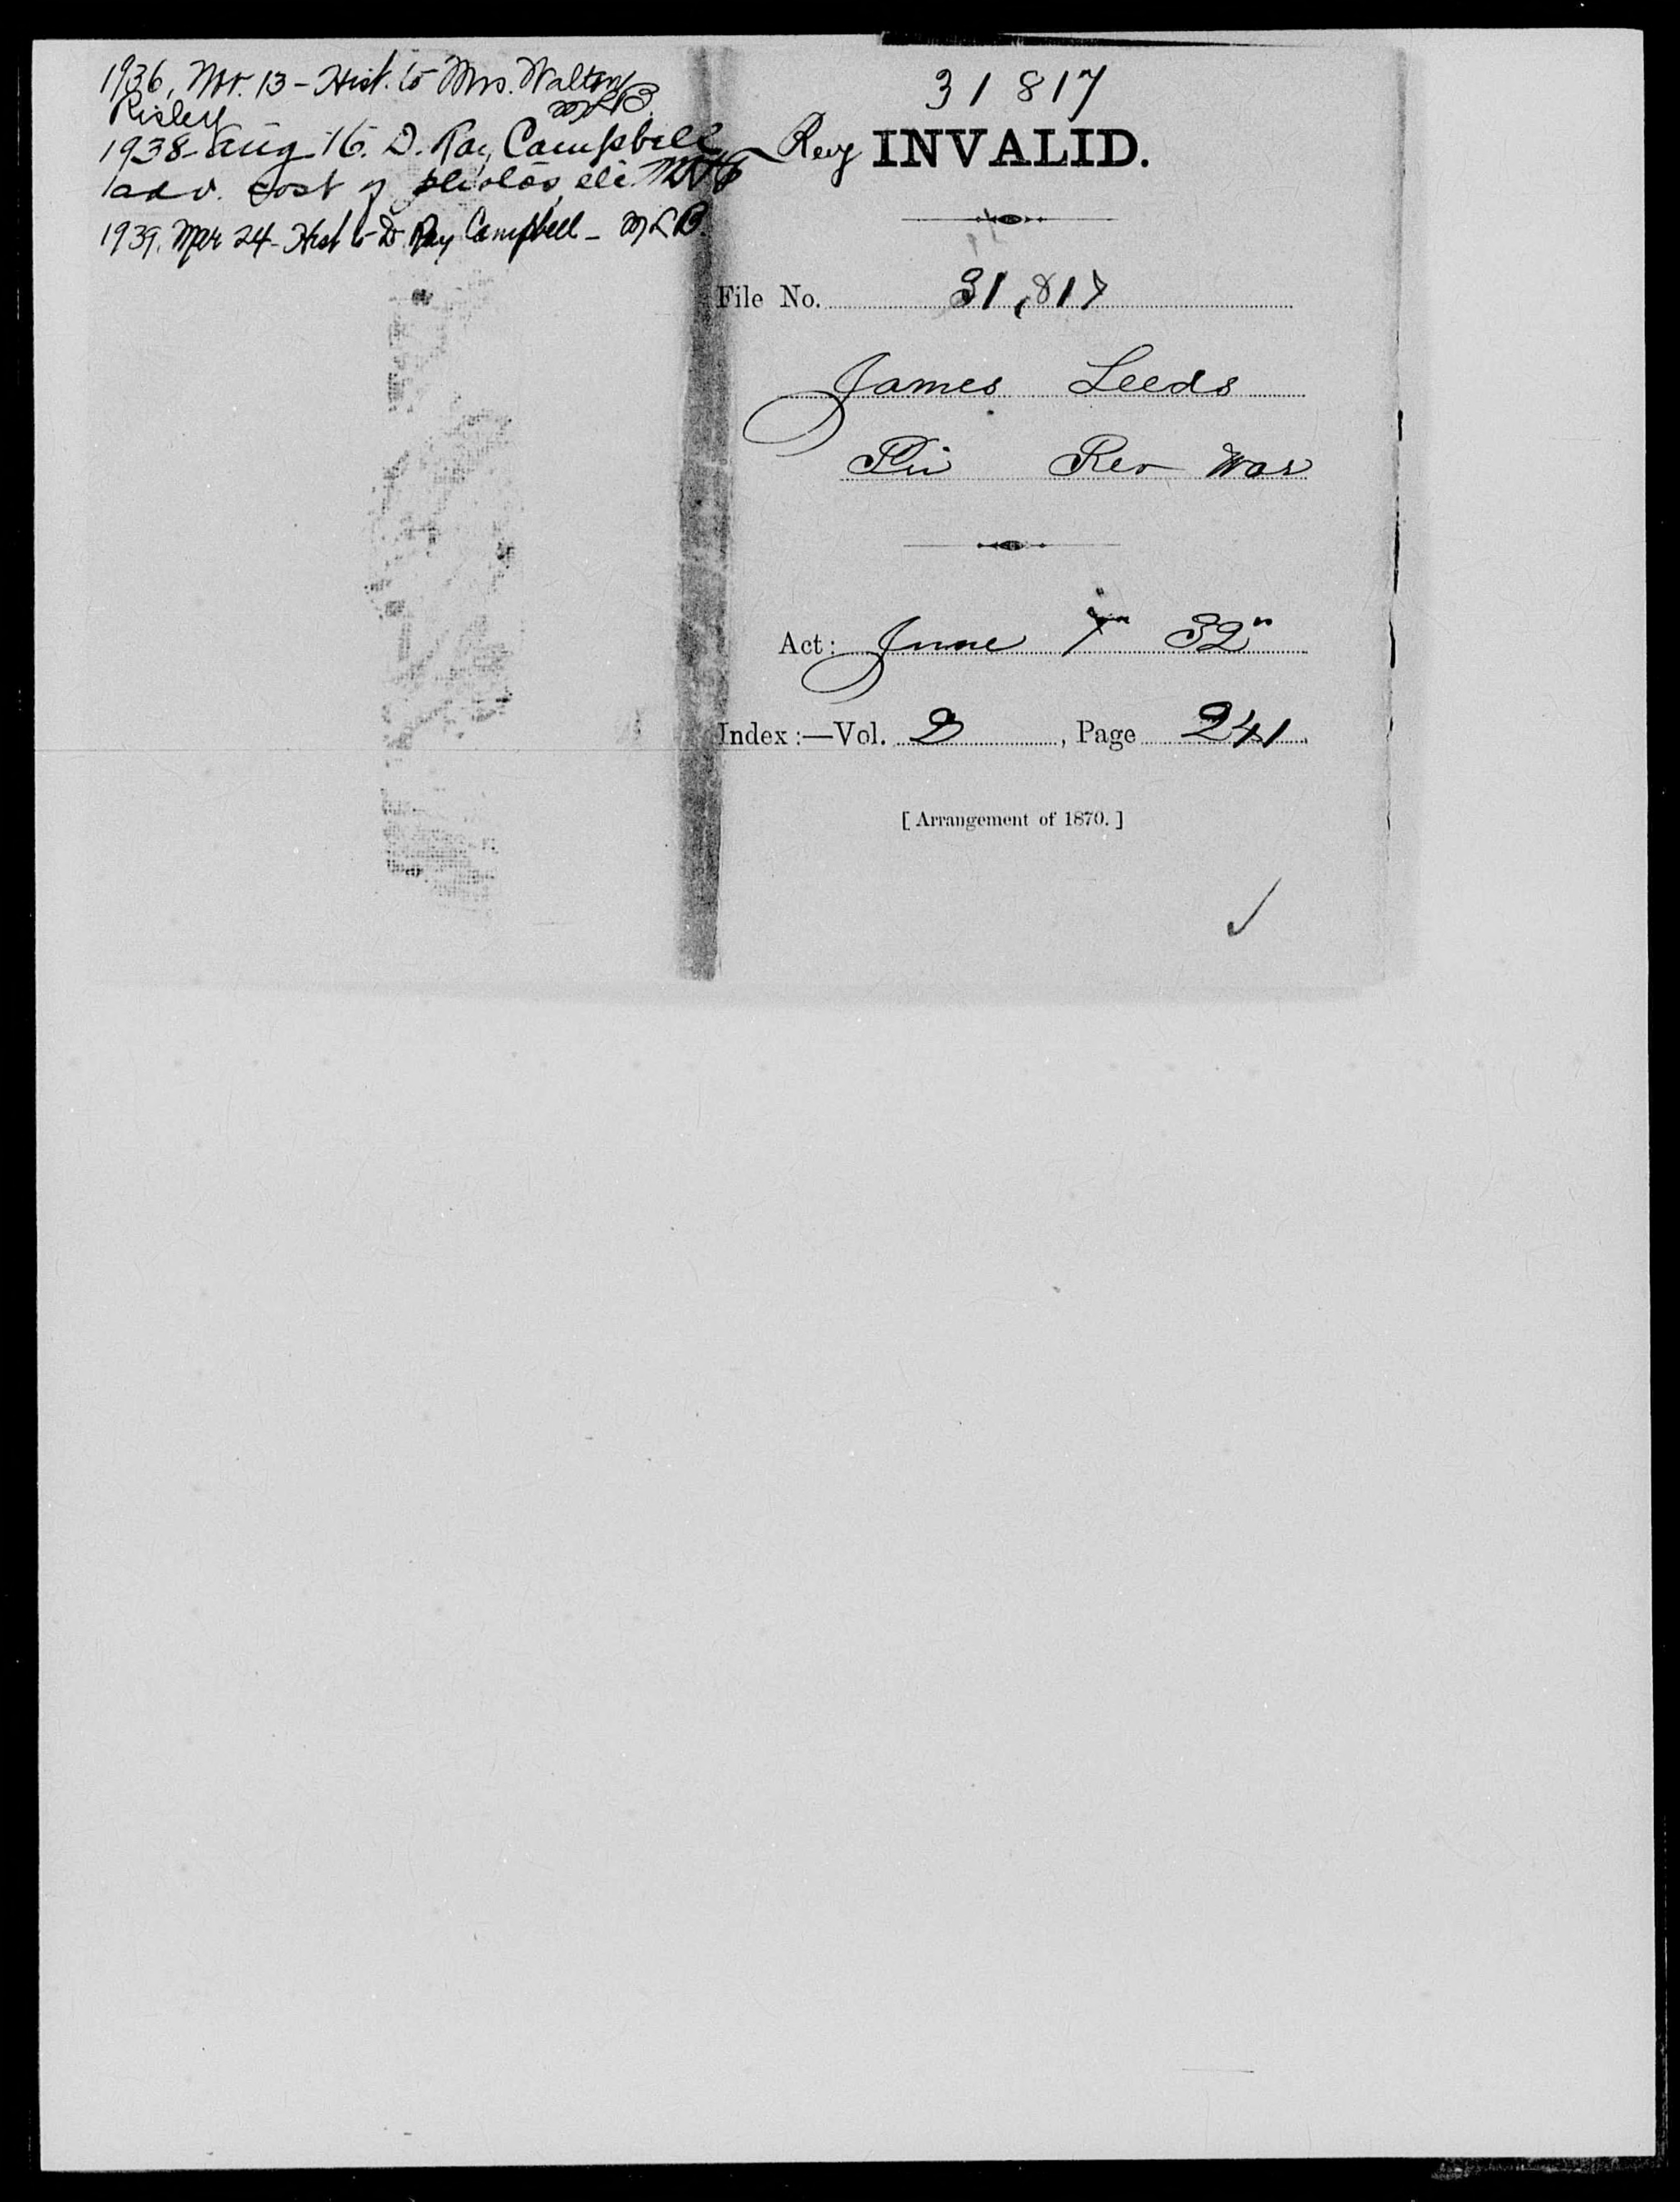Mr. 13 Hist to Mrs. Walton [illegible initials] Risley 
1938 Aug 16. D. Tay Campbell Rey
adv. cost of [illegible] etc. [illegible]
1939. Mar 24. Hist 6 D Ray Campbell-MLB

31817
INVALID.

File No.  31,817
James Leeds
 [illegible] Rev War

Act: June 7 32

Index: Vol. 8, Page 241

[Arrangement of 1870.]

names: D Ray Campbell; James Leeds; Walton Risley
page: 16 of 38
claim: survivor's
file: S 31817, for James Leeds, New Jersey